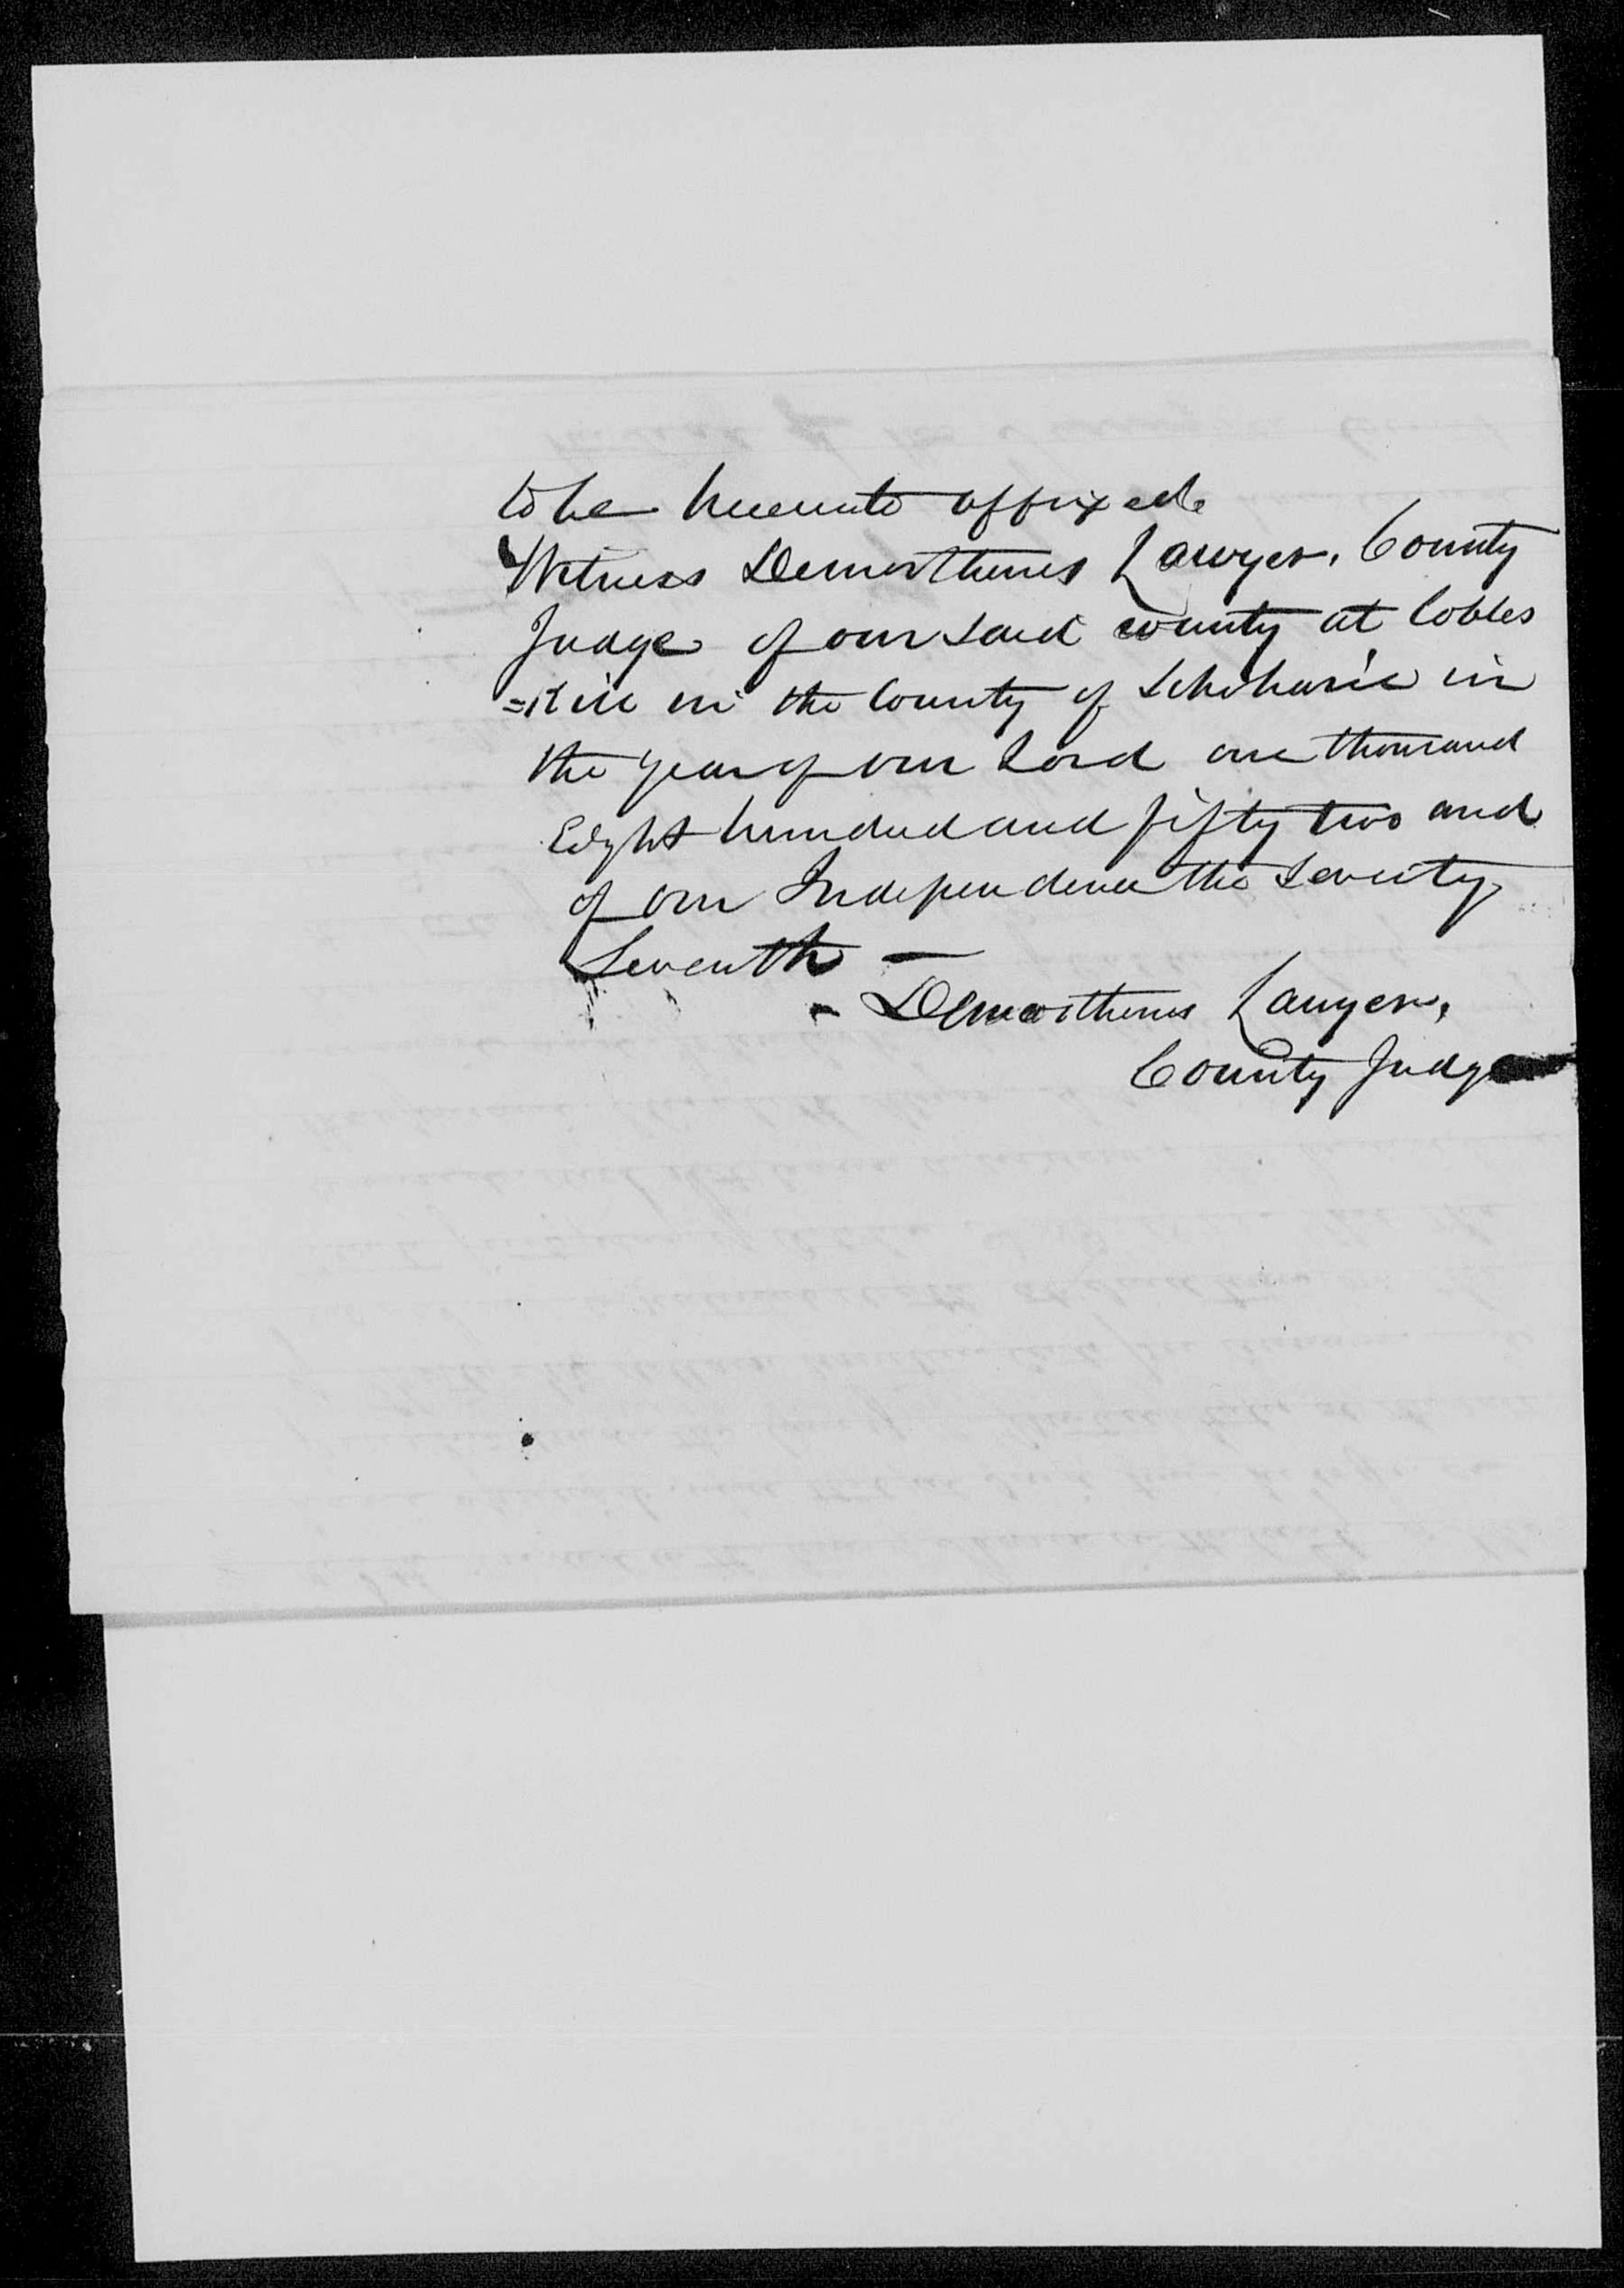to be hereunto affixed Witness Demosthenes Lawyer, County Judge of our said county at Cobleskill in the County of Schoharie in the year of our Lord one thousand Eight hundred and fifty two and of our Independence the seventy seventh-
Demosthenes Lawyer, County Judge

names: Demosthenes Lawyer, Demosthenes Lawyer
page: 11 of 51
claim: survivor's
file: S. 12563, Severinus Cook, New York